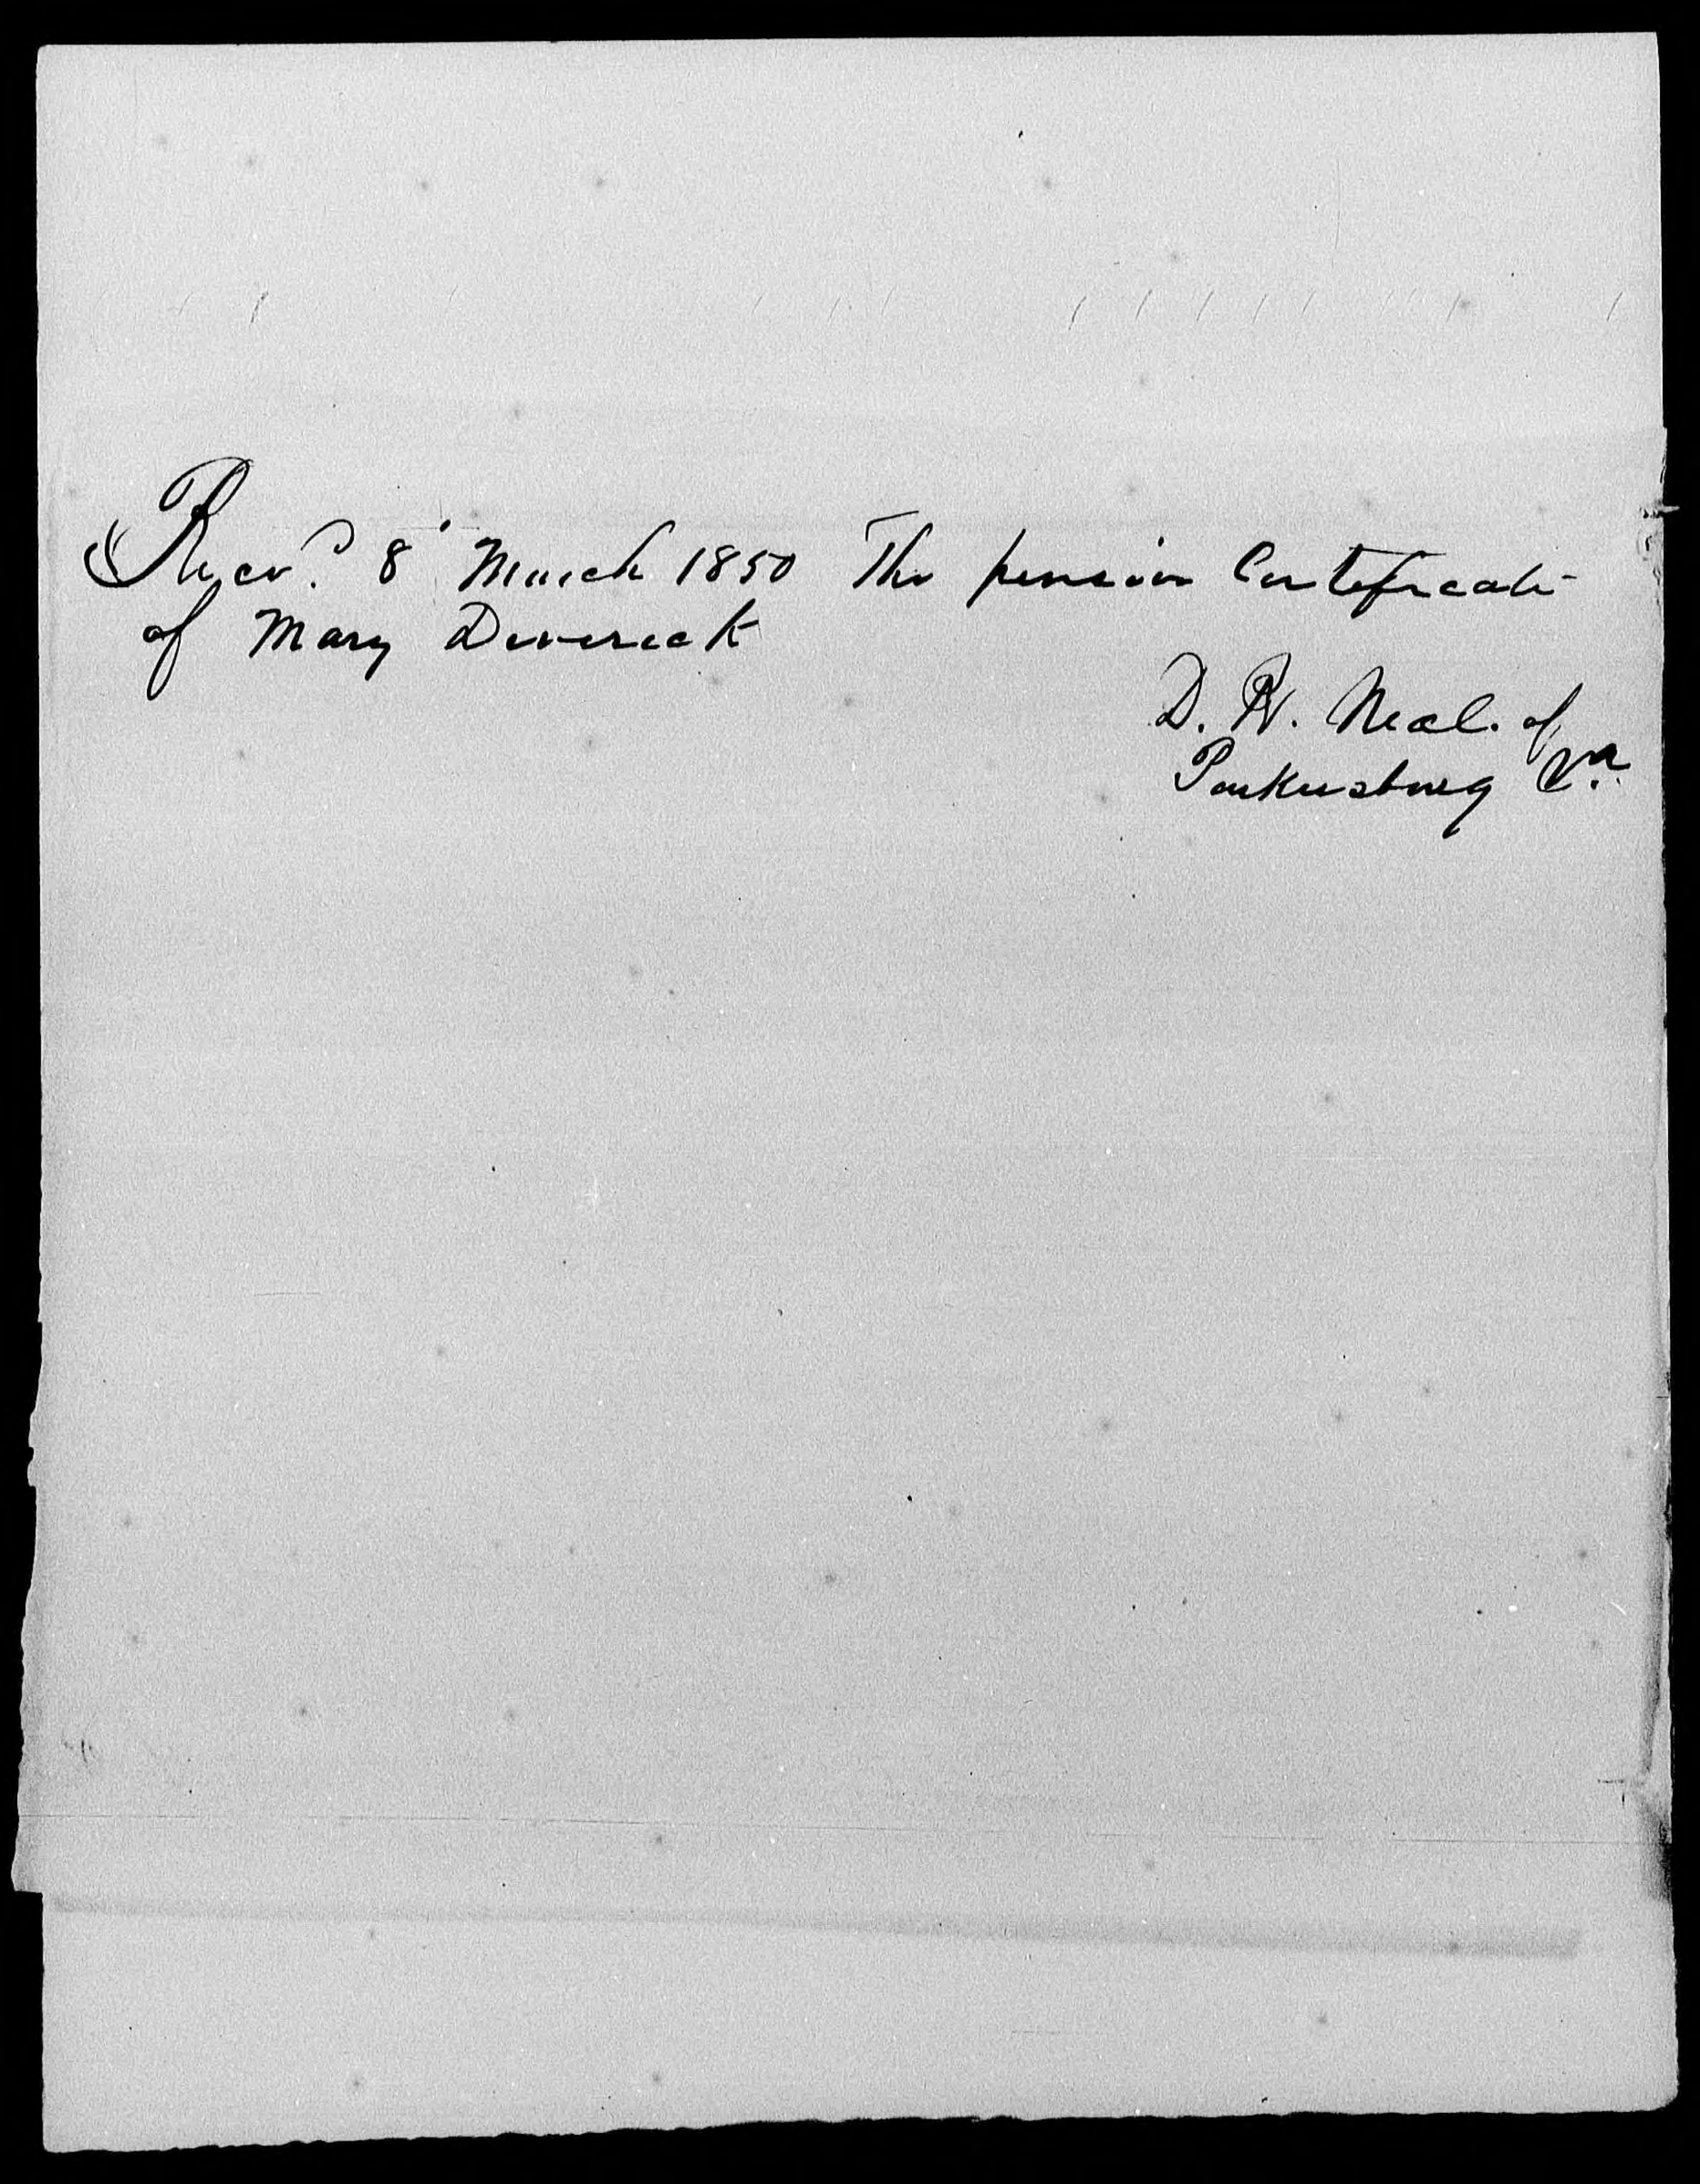R[illegible] 8 March 1850 The pension certficiate of Mary Deverick
D. R. Neal of [illegible] Va.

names: Mary Deverick, D R Neal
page: 29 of 35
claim: widow's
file: W 7007, John Devericks, Va.